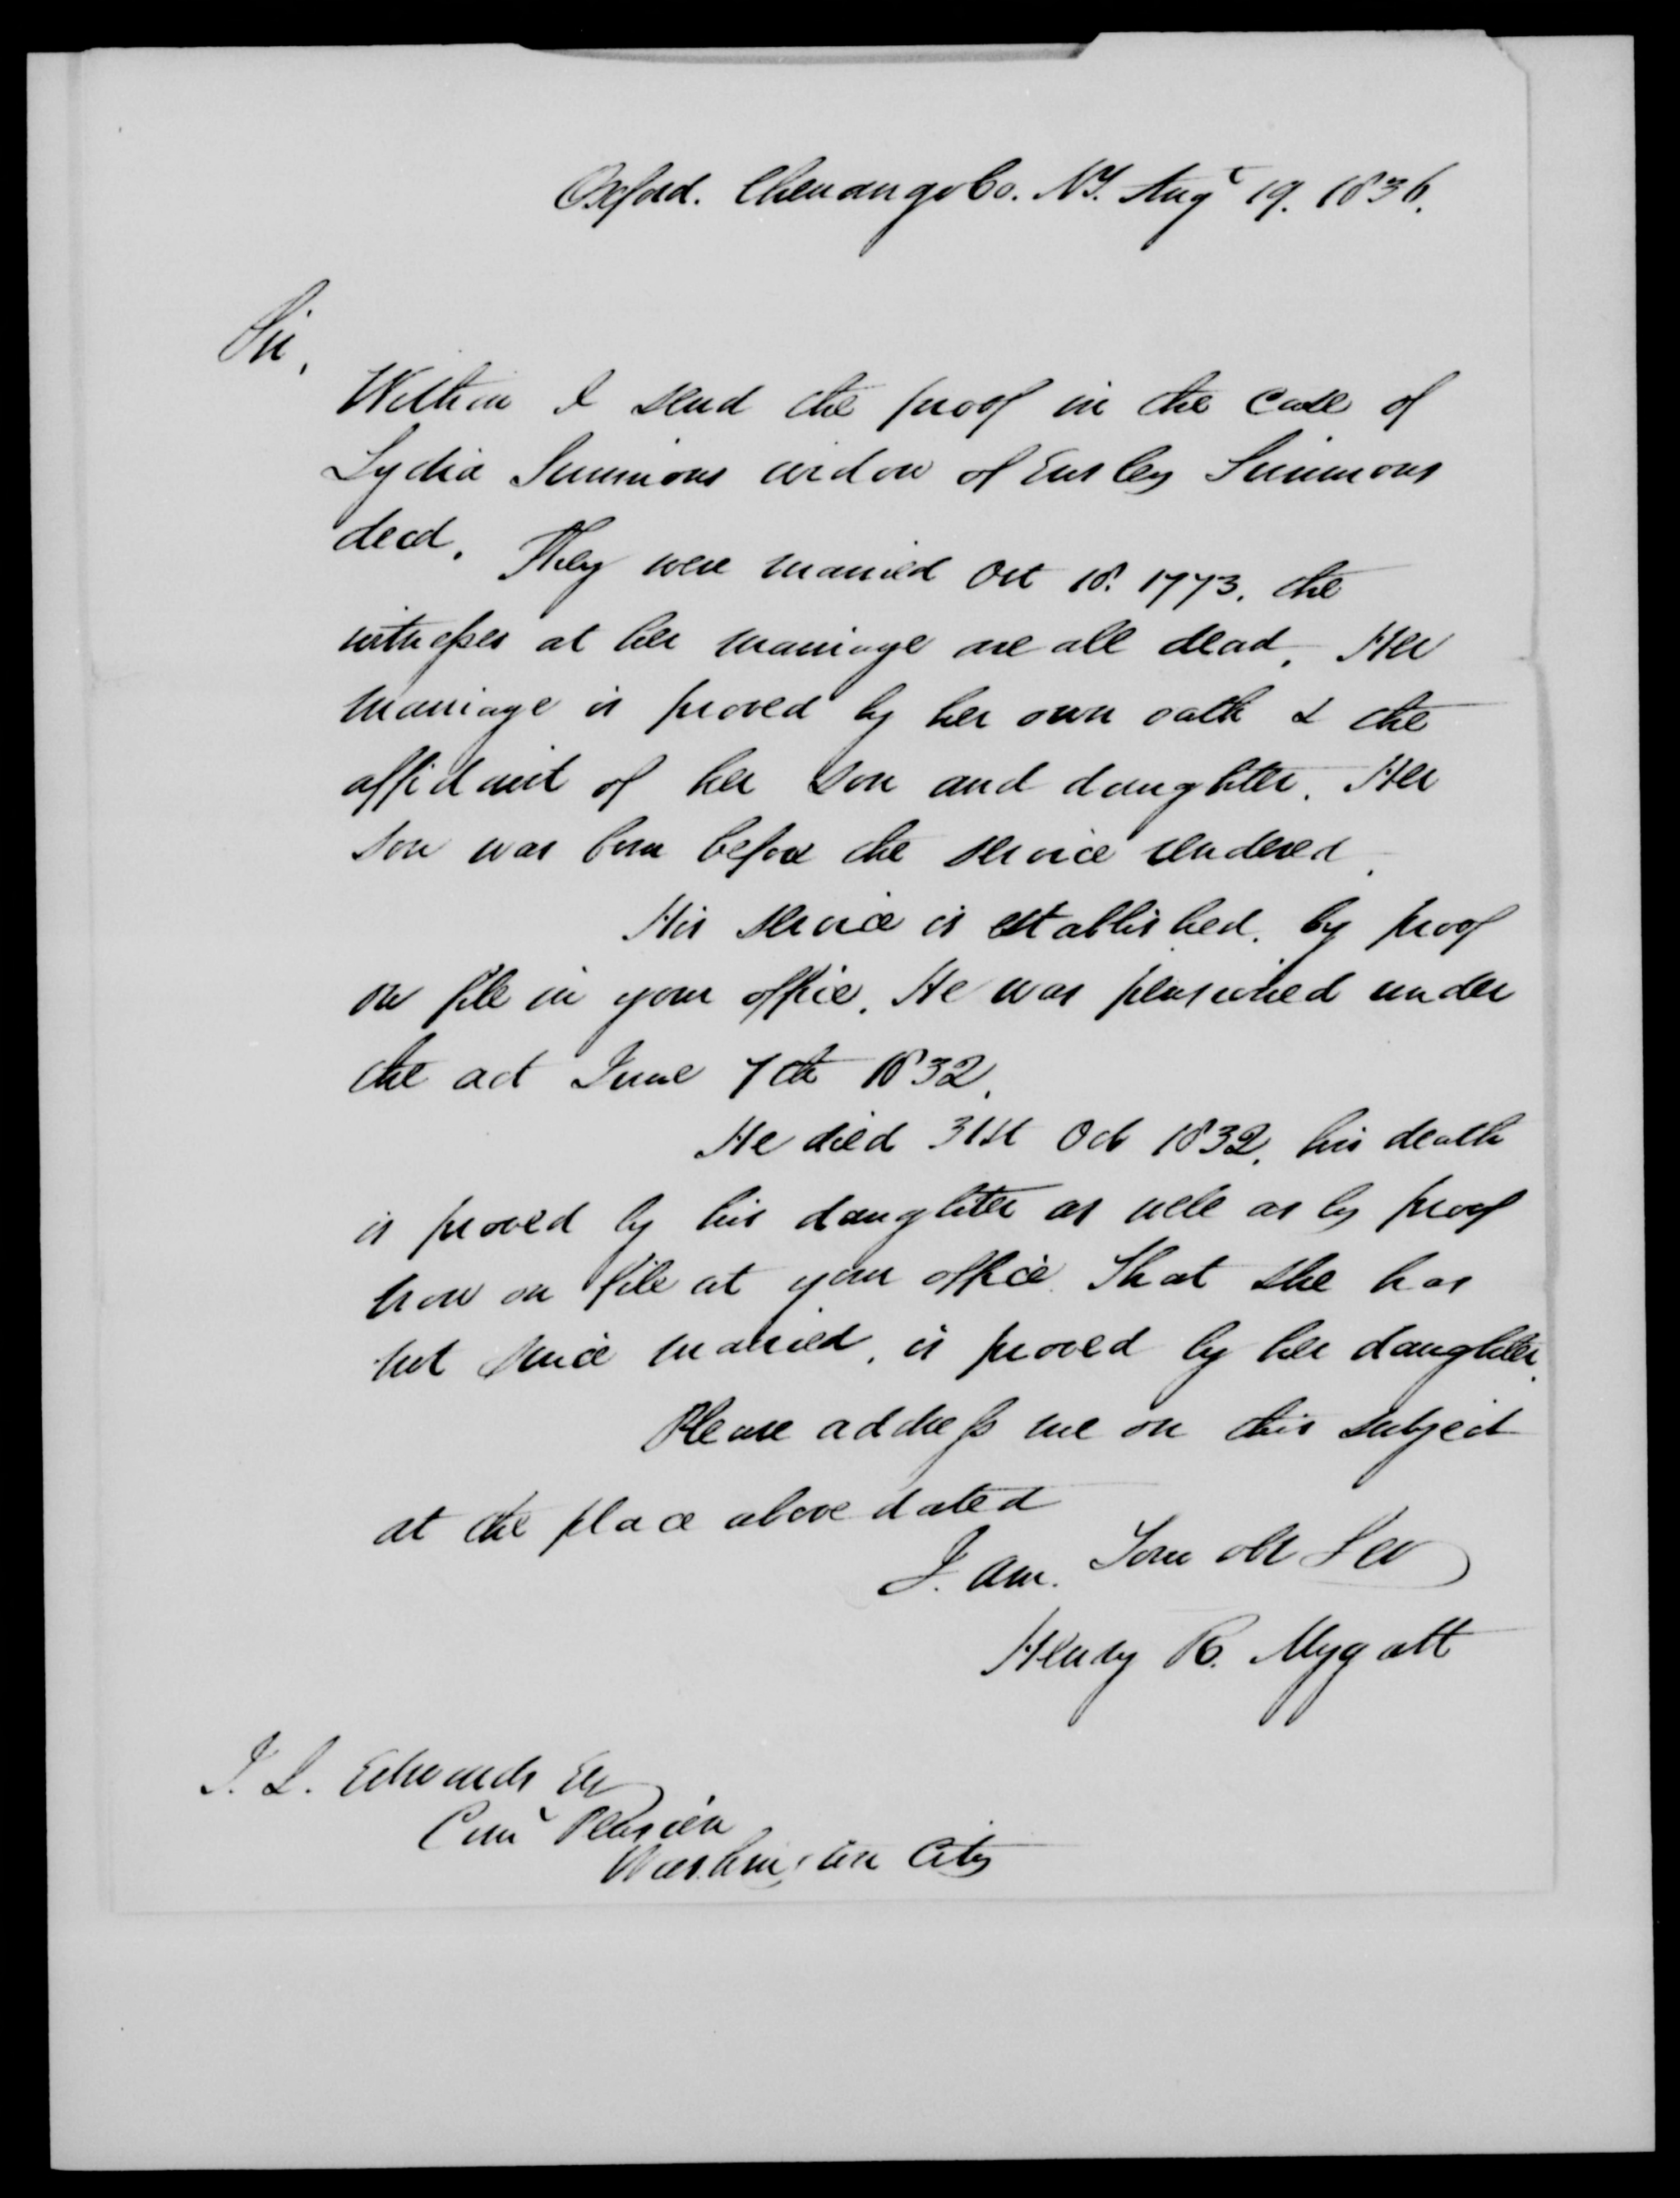Oxford, Chanango Co. NY. May 19 1836
Sir,
Within I send the proof in the case of Lydia Simmons widow of Ensley Simmons decd.
They were married Oct. 18. 1773. The witnesses at the marriage are all dead. Her marriage is proved by her own oath & the affidavit of her son and daughter. Her son was born before the service rendered.
His service is established by proof on file in your office. He was pensioned under the act of June 7th 1832.
He died 31st Oct 1832, his death is proved by his daughter as well as by proof now on file at your office. That she has not since married, is proved by her daughter.
Please address me on this subject at the place above stated.
I am Your obt. Ser. Henry R. Mygatt

J.L. Edwards Esq
Com Pension
Washington City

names: J L Edwards; Henry R Mygatt; Ensley Simmons; Lydia Simmons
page: 17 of 29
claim: widow's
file: W. 19,032, for Ensley Simmons, New York